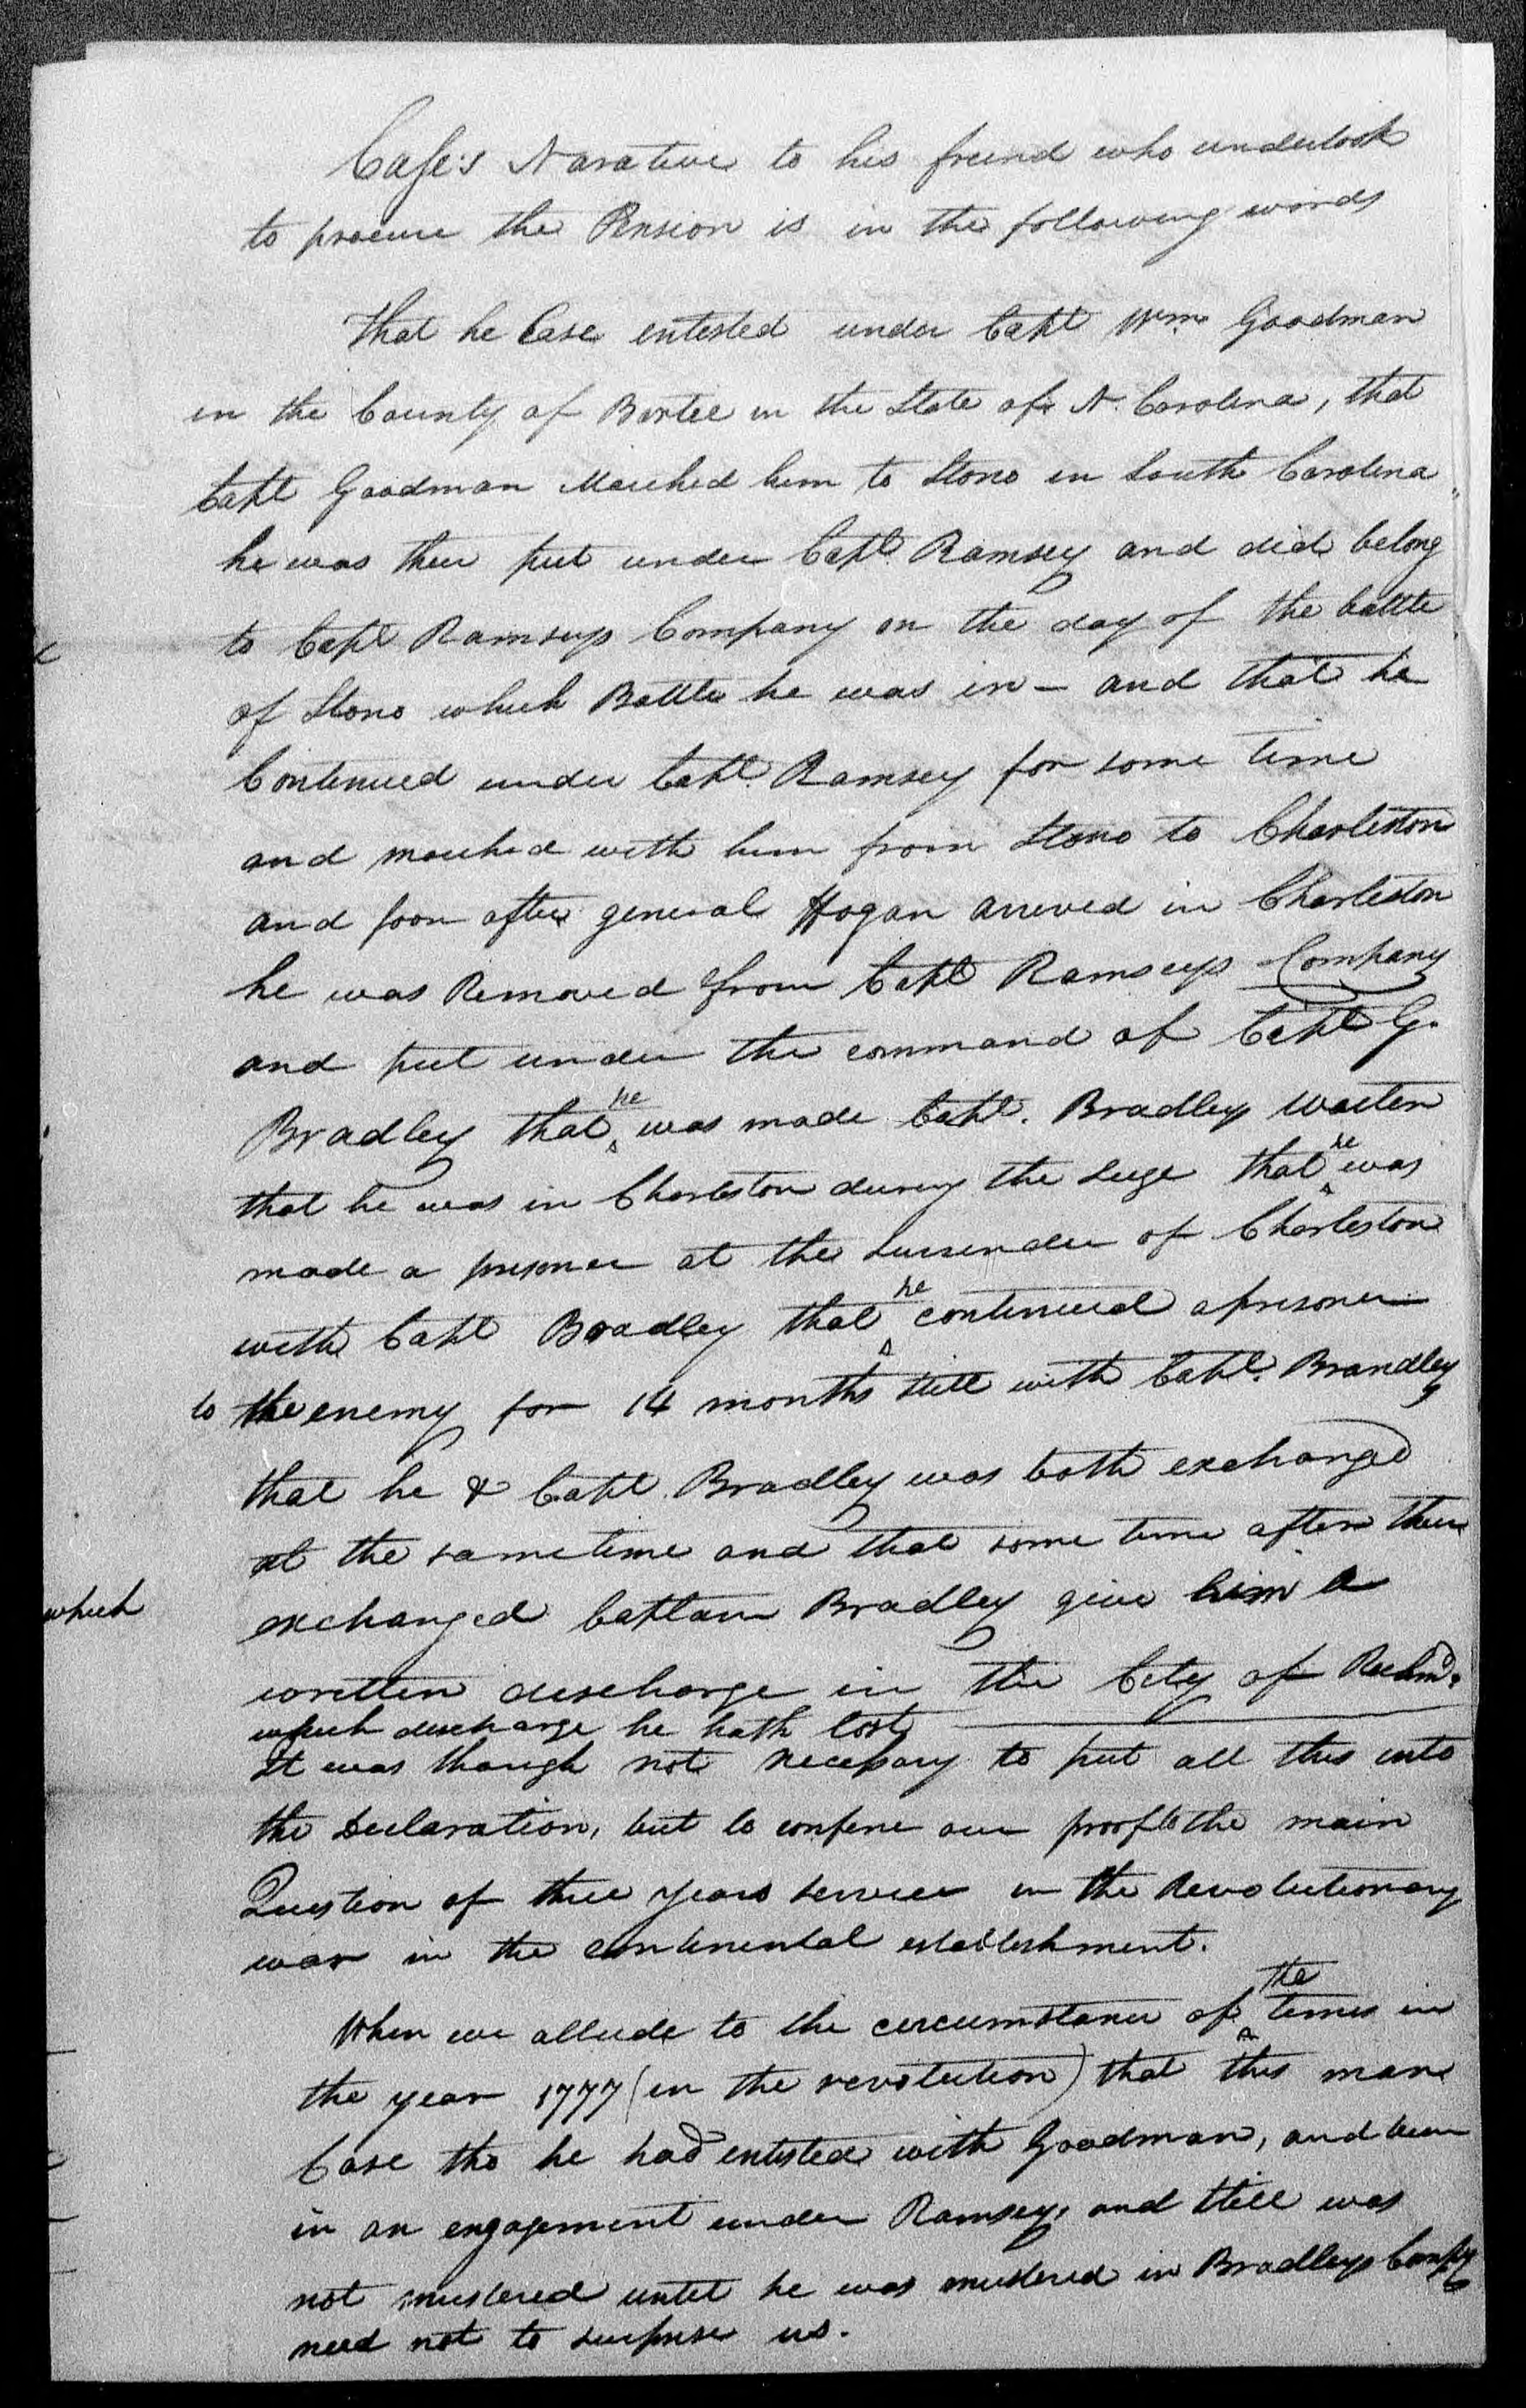Case's signature to his friend who understood to preserve the Pension is in the following words.

That he Case enlisted under Capt. Wm Goodman in the County of Bontee in the State of N. Carolina, that Capt. Goodman marched him to Stone in South Carolina, he was then put under Cap. Ramsey and did belong to Cap. Ramsey's Company in the day of the battle of Stone which Battle he served in - and that he continued under Capt. Ramsey for some time and marched with him from Stone to Charleston and from after general Hogan arrived in Charleston he was removed from Capt. Ramsey's Company and put under the command of Captain G. Bradley that he was made Capt. Bradley warden, that he was in Charleston during the siege that he was made a  prisoner at the surrender of Charleston with Capt. Bradley that he continued a prisoner to the enemy for 14 months till with Capt. Bradley, that he and Capt. Bradley was both exchanged a the same time and that some time after the exchange Captain Bradley gave him a written discharge in the City of Richmond. which discharge he hath lost.  
It was thought not necessary to put all this into the Declaration, but to confirm our proof the main Question of three years service in the Revolutionary War in the Continental establishment.

When we allude to the circumstances of the times in the year 1777 (in the Revolution) that the man Case that he had enlisted with Goodman, and in an engagement under Ramsey, and that was not mustered until he was mustered in Bradley's Company need not surprise us.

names: Ramsey, Ramsey, Hogan, Ramsey, Bradley, Bradley, Bradley, Wm Goodman, Bradley, Goodman, Bradley, G Bradley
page: 15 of 20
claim: survivor's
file: S. 41472, Joseph Case, N.C.